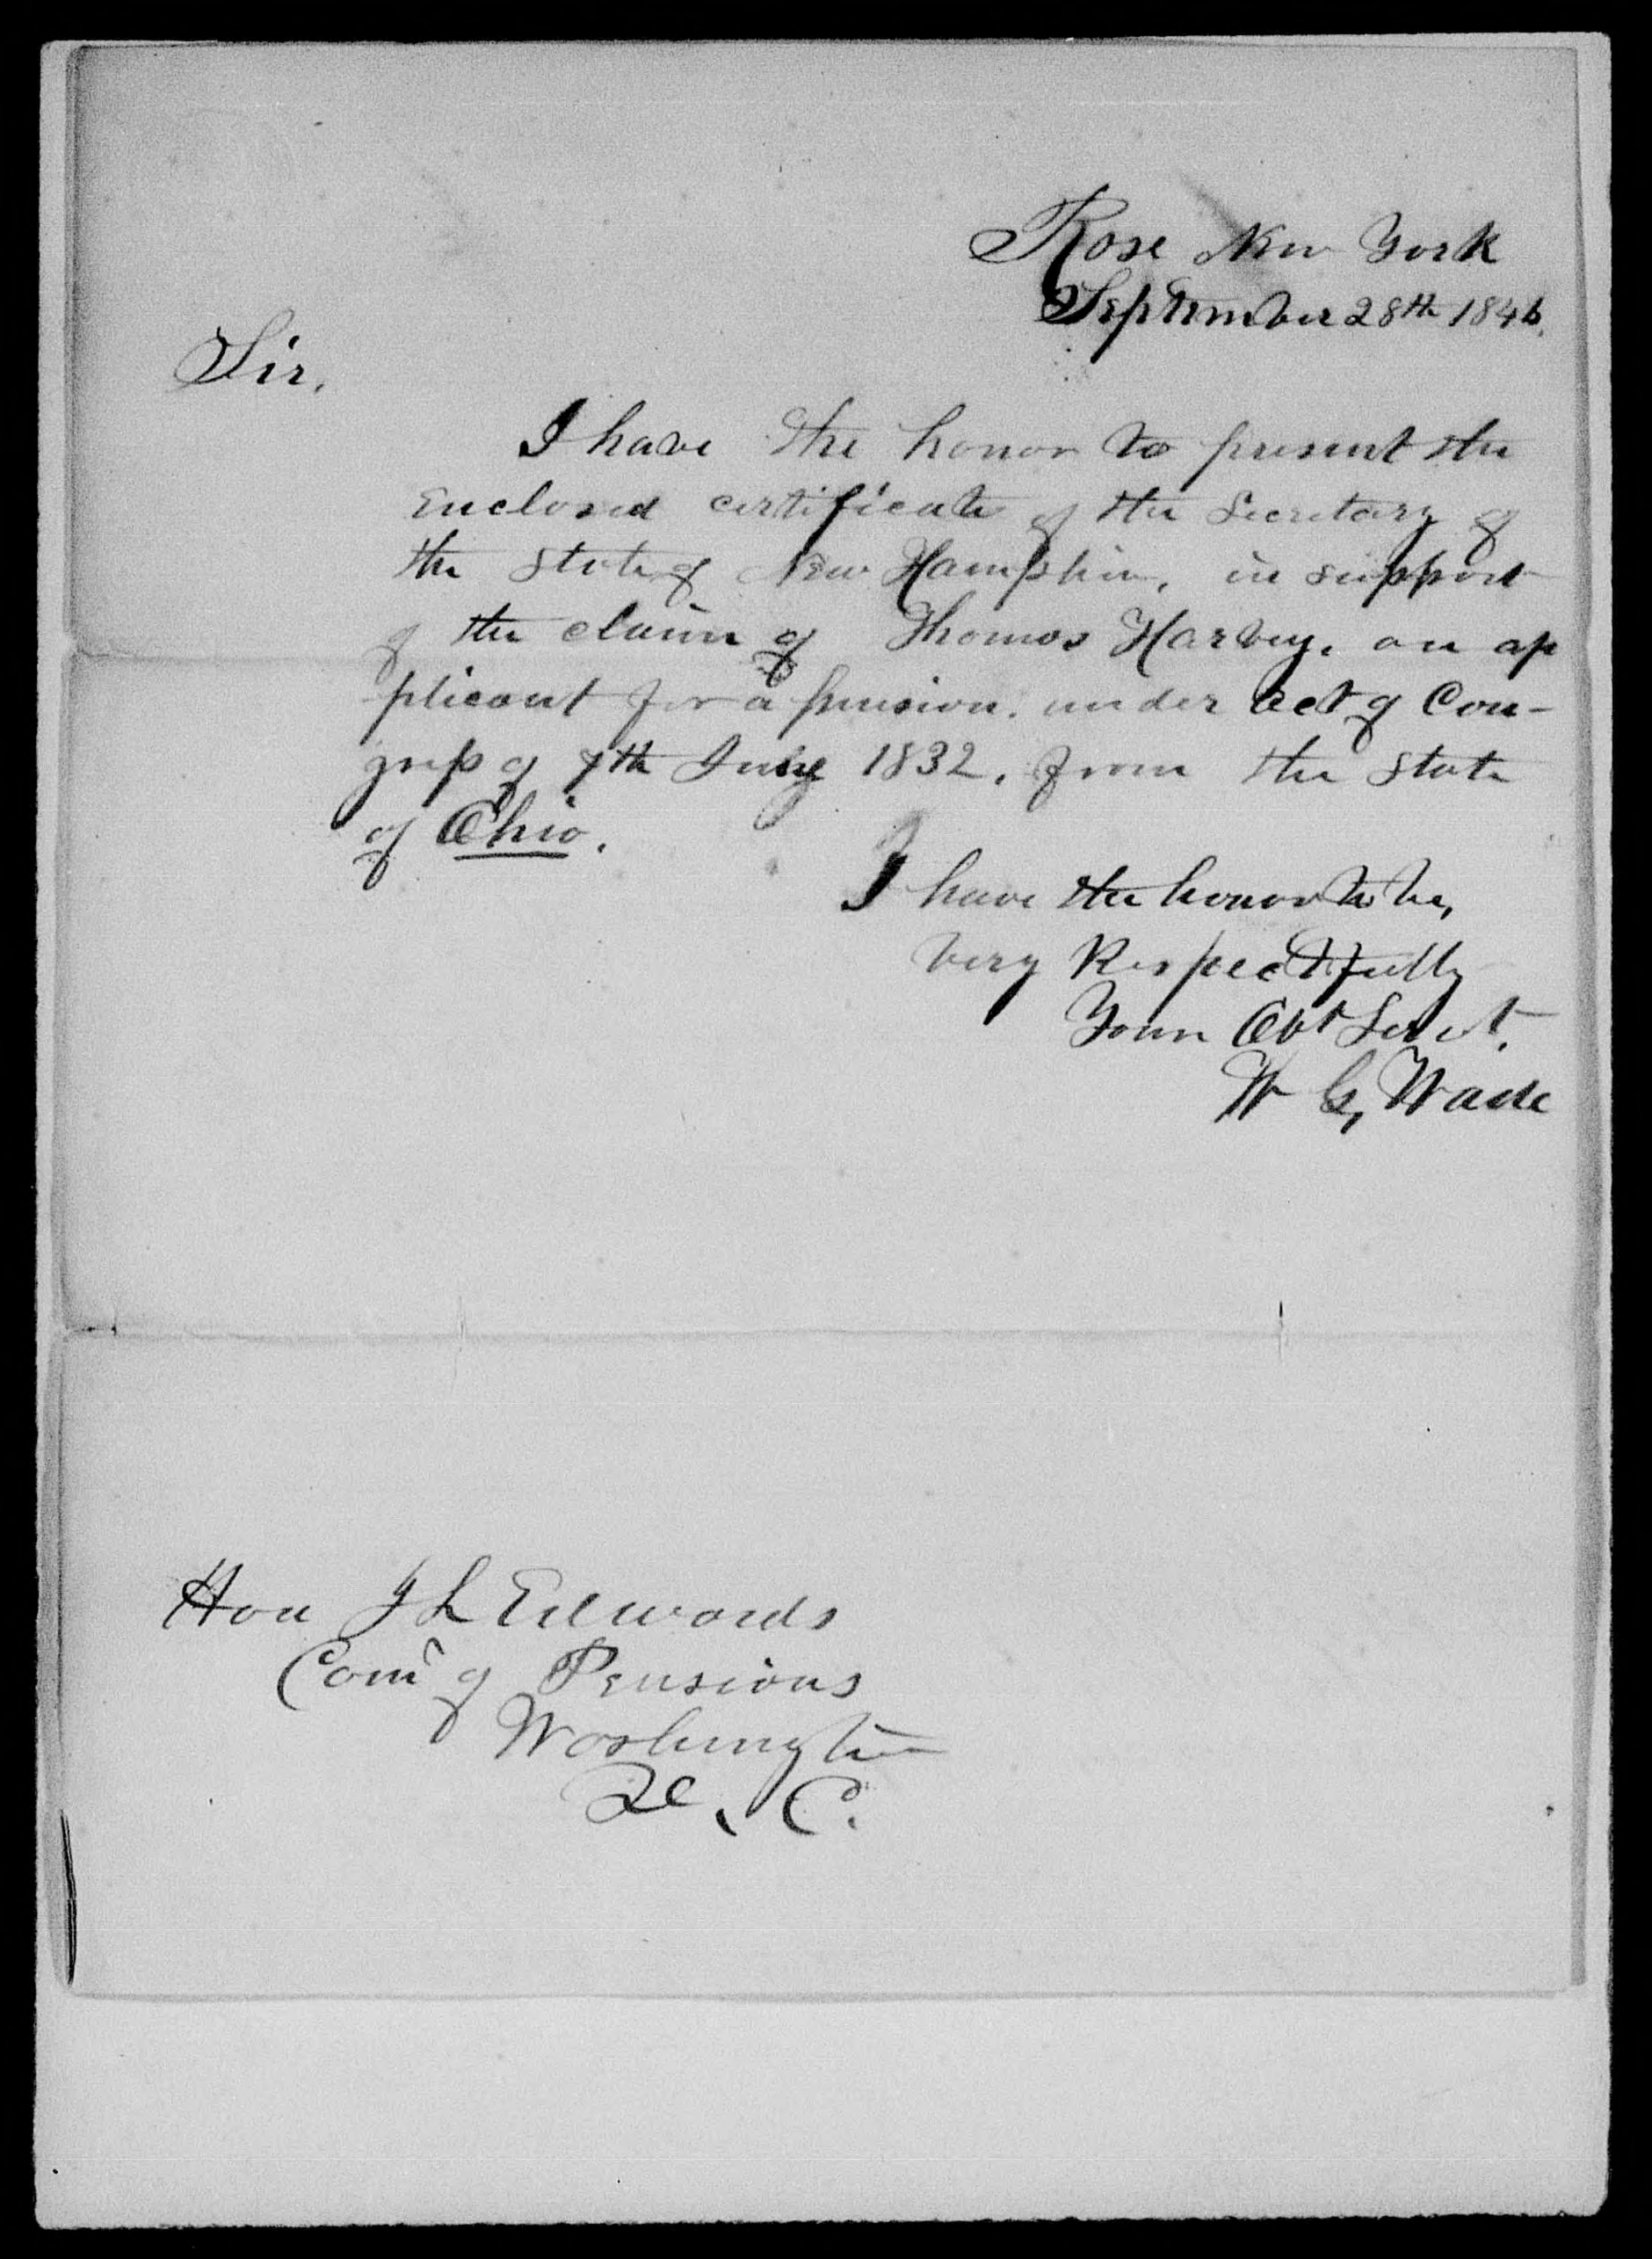[handwritten letter]
Rose New York
September 28th 1846.

Sir,
I have the honor to present the enclosed certificate of the Secretary of the State New Hampshire, in support of the claim of Thomas Harvey, an applicant for a pension, under act of Congress of 7th July 1832, from the state of Ohio. 
I have the honor to be, very Respectfully, Your Ob't Serv't, 
/s/W. G. Wade 
Hon J. L. Edwards
Com'r of Pensions
Washington D.C.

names: J L Edwards, W G Wade, Thomas Harvey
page: 38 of 80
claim: survivor's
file: S. 18008, Thomas Harvey, N.H.